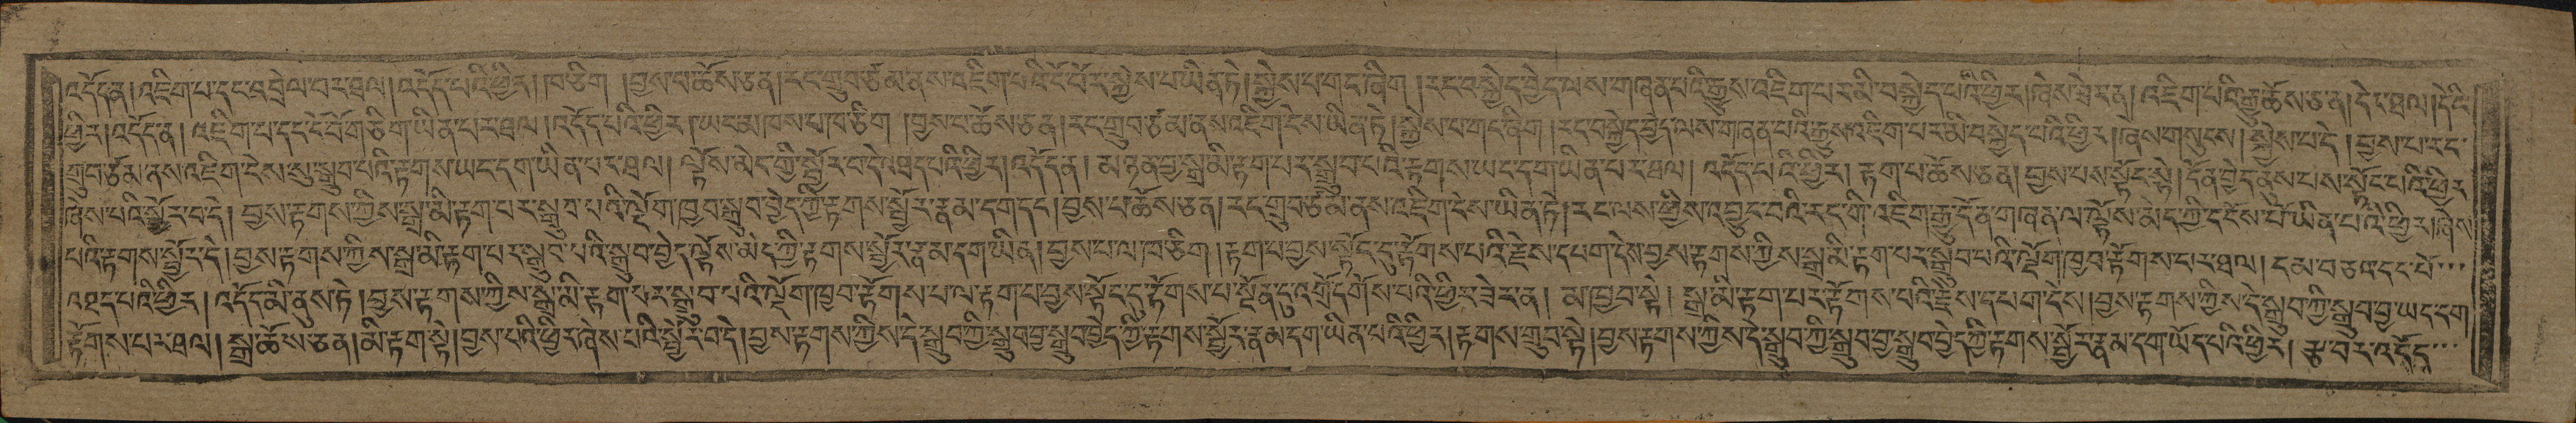འདོད་ན། འཇིག་པ་དང་འབྲེལ་བར་ཐལ། འདོད་པའི་ཕྱིར། ཁ་ཅིག །བྱས་པ་ཆོས་ཅན། རང་གྲུབ་ཙམ་ནས་འཇིག་པའི་ངོ་བོར་སྐྱེས་པ་ཡིན་ཏེ། སྐྱེས་པ་གང་ཞིག །རང་བསྐྱེད་བྱེད་ལས་གཞན་པའི་རྒྱུས་འཇིག་པར་མི་བསྐྱེད་པའི་ཕྱིར། ཞེས་ཟེར་ན། འཇིག་པའི་རྒྱུ་ཆོས་ཅན། དེར་ཐལ། དེའི་
ཕྱིར། འདོད་ན། འཇིག་པ་དང་ངོ་བོ་གཅིག་ཡིན་པར་ཐལ། འདོད་པའི་ཕྱིར། ཡང་མཁས་པ་ཁ་ཅིག །བྱས་པ་ཆོས་ཅན། རང་གྲུབ་ཙམ་ནས་འཇིག་ངེས་ཡིན་ཏེ། སྐྱེས་པ་གང་ཞི་།རང་བསྐྱེད་བྱེད་ལས་གཞན་པའི་རྒྱུས་འཇིག་པར་མི་བསྐྱེད་པའི་ཕྱིར། ཞེས་གསུངས། སྐྱེས་པ་དེ། བྱས་པ་རང་
གྲུབ་ཙམ་ནས་འཇིག་ངེས་སུ་སྒྲུབ་པའི་རྟགས་ཡང་དག་ཡིན་པར་ཐལ། ལྟོས་མེད་གྱི་སྦྱོར་བ་དེ་འཐད་པའི་ཕྱིར། འདོད་ན། མཉན་བྱ་སྒྲ་མི་རྟག་པར་སྒྲུབ་པའི་རྟགས་ཡང་དག་ཡིན་པར་ཐལ། འདོད་པའི་ཕྱིར། རྟག་པ་ཆོས་ཅན། བྱས་པས་སྟོང་སྟེ། དོན་བྱེད་ནུས་པས་སྟོང་པའི་ཕྱིར་
ཞེས་པའི་སྦྱོར་བ་དེ། བྱས་རྟགས་ཀྱིས་སྒྲ་མི་རྟག་པར་སྒྲུབ་པའི་ལྡོག་ཁྱབ་སྒྲུབ་བྱེད་ཀྱི་རྟགས་སྦྱོར་རྣམ་དག་དང་། བྱས་པ་ཆོས་ཅན། རང་གྲུབ་ཙམ་ནས་འཇིག་ངེས་ཡིན་ཏེ། རང་ལས་ཕྱིས་འབྱུང་བའི་རང་གི་འཇིག་རྒྱུ་དོན་གཞན་ལྟོས་མེད་ཀྱི་དངོས་པོ་ཡིན་པའི་ཕྱིར། ཞེས་
པའི་རྟགས་སྦྱོར་དེ། བྱས་རྟགས་ཀྱིས་སྒྲ་མི་རྟག་པར་སྒྲུབ་པའི་སྒྲུབ་བྱེད་ལྟོས་མེད་ཀྱི་རྟགས་སྦྱོར་རྣམ་དག་ཡིན། བྱས་པ་ལ་ཁ་ཅིག །རྟག་པ་བྱས་སྟོང་དུ་རྟོགས་པའི་རྗེས་དཔག་དེས་བྱས་རྟགས་ཀྱིས་སྒྲ་མི་རྟག་པར་སྒྲུབ་པའི་ལྡོག་ཁྱབ་རྟོགས་པར་ཐལ། དམ་བཅའ་དང་པོ་
འཐད་པའི་ཕྱིར། འདོད་མི་ནུས་ཏེ། བྱས་རྟགས་ཀྱིས་སྒྲ་མི་རྟག་པར་སྒྲུབ་པའི་ལྡོག་ཁྱབ་རྟོགས་པ་ལ་རྟག་པ་བྱས་སྟོང་དུ་རྟོགས་པ་སྔོན་དུ་འགྲོ་དགོས་པའི་ཕྱིར་ཟེར་ན། མ་ཁྱབ་སྟེ། སྒྲ་མི་རྟག་པར་རྟོགས་པའི་རྗེས་དཔག་དེས། བྱས་རྟགས་ཀྱིས་དེ་སྒྲུབ་ཀྱི་བསྒྲུབ་བྱ་ཡང་དག་
རྟོགས་པར་ཐལ། སྒྲ་ཆོས་ཅན། མི་རྟག་སྟེ། བྱས་པའི་ཕྱིར་ཞེས་པའི་སྦྱོར་བ་དེ། བྱས་རྟགས་ཀྱིས་དེ་སྒྲུབ་ཀྱི་བསྒྲུབ་བྱ་སྒྲུབ་བྱེད་ཀྱི་རྟགས་སྦྱོར་རྣམ་དག་ཡིན་པའི་ཕྱིར། རྟགས་གྲུབ་སྟེ། བྱས་རྟགས་ཀྱིས་དེ་སྒྲུབ་ཀྱི་བསྒྲུབ་བྱ་སྒྲུབ་བྱེད་ཀྱི་རྟགས་སྦྱོར་རྣམ་དག་ཡོད་པའི་ཕྱིར། རྩ་བར་འདོད་